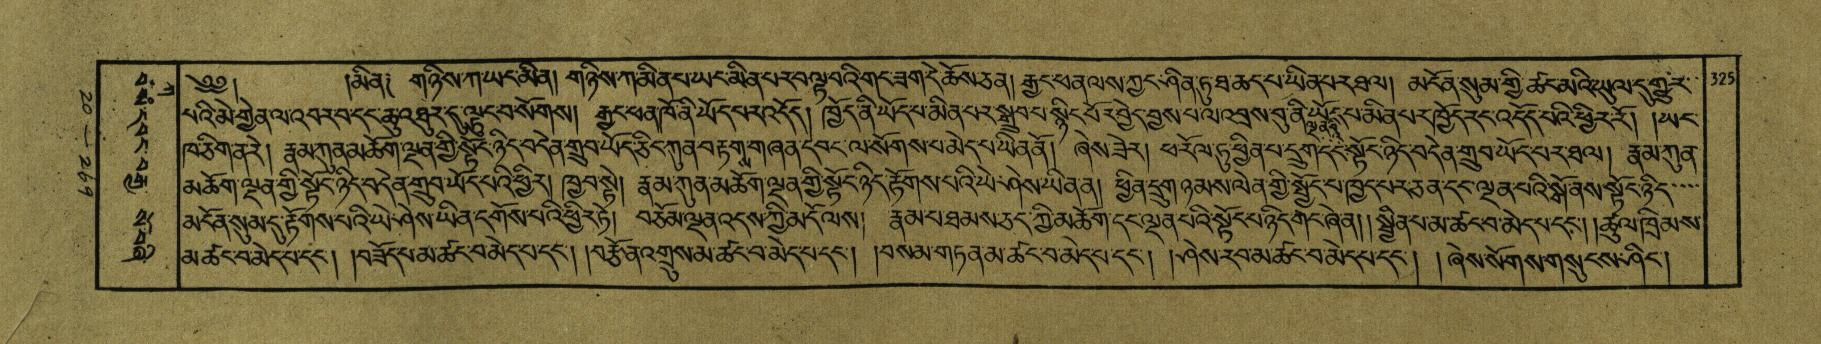༄༅། །མིན༑ གཉིས་ཀ་ཡང་མིན། གཉིས་ཀ་མིན་པ་ཡང་མིན་པར་བལྟ་བའི་གང་ཟག་དེ་ཆོས་ཅན། རྒྱང་ཕན་ལས་ཀྱང་ཤིན་ཏུ་ཐ་ཆད་པ་ཡིན་པར་ཐལ། མངོན་སུམ་གྱི་ཚང་མའི་ཡུལ་དུ་གྱུར་
པའི་མེ་གྱེན་ལ་འབར་བ་དང་ཆུ་འཐུར་དུ་ལྟུང་བ་སོགས། རྒྱང་ཕན་ཁོ་ནི་ཡོད་པར་འདོད། ཁྱོད་ནི་ཡོད་པ་མིན་པར་སྒྲུབ་པ་སྙིང་པོར་བྱེད་བྱས་པ་ལ་འབྲས་བུ་ནི་ཡོད་པ་མིན་པར་ཁྱོད་རང་འདོད་པའི་ཕྱིར་རོ། །ཡང་
ཁ་ཅིག་ན་རེ། རྣམ་ཀུན་མཆོག་ལྡན་གྱི་སྟོང་ཉིད་བདེན་གྲུབ་ཡོད་ཅིང་ཀུན་བརྟགས་གཞན་དབང་ལ་སོགས་པ་མེད་པ་ཡིན་ནོ། ཞེས་ཟེར། ཕ་རོལ་ཏུ་ཕྱིན་པ་དྲུག་དང་ལྡན་བའི་སྟོང་ཉིད་བདེན་གྲུབ་ཡོད་པར་ཐལ། རྣམ་ཀུན་
མཆོག་ལྡན་གྱི་སྟོང་ཉིད་བདེན་གྲུབ་ཡོད་པའི་ཕྱིར། ཁྱབ་སྟེ། རྣམ་ཀུན་མཆོག་ལྡན་གྱི་སྟོང་ཉིད་རྟོགས་པའི་ཡེ་ཤེས་ཡིན་ན། ཕྱིན་དྲུག་ཉམས་ལེན་གྱི་སྤྱོད་པ་ཁྱད་པར་ཅན་དང་ལྡན་པའི་སྒོ་ནས་སྟོང་ཉིད་
མངོན་སུམ་དུ་རྟོགས་པའི་ཡེ་ཤེས་ཡིན་དགོས་པའི་ཕྱིར་ཏེ། བཅོམ་ལྡན་འདས་ཀྱི་མདོ་ལས། རྣམ་པ་ཐམས་ཅད་ཀྱི་མཆོག་དང་ལྡན་པའི་སྟོང་པ་ཉིད་གང་ཞེ་ན། །སྦྱིན་པ་མ་ཚང་བ་མེད་པ་དང་། །ཚུལ་ཁྲིམས་
མཚང་བ་མེད་པ་དང་། །བཟོད་པ་མ་ཚང་བ་མེད་པ་དང་། །བརྩོན་འགྲུས་མ་ཚང་བ་མེད་པ་དང་། །བསམ་གཏན་མ་ཚང་བ་མེད་པ་དང་། །ཤེས་རབ་མ་ཚང་བ་མེད་པ་དང་། །ཞེས་སོགས་གསུངས་ཤིང་།